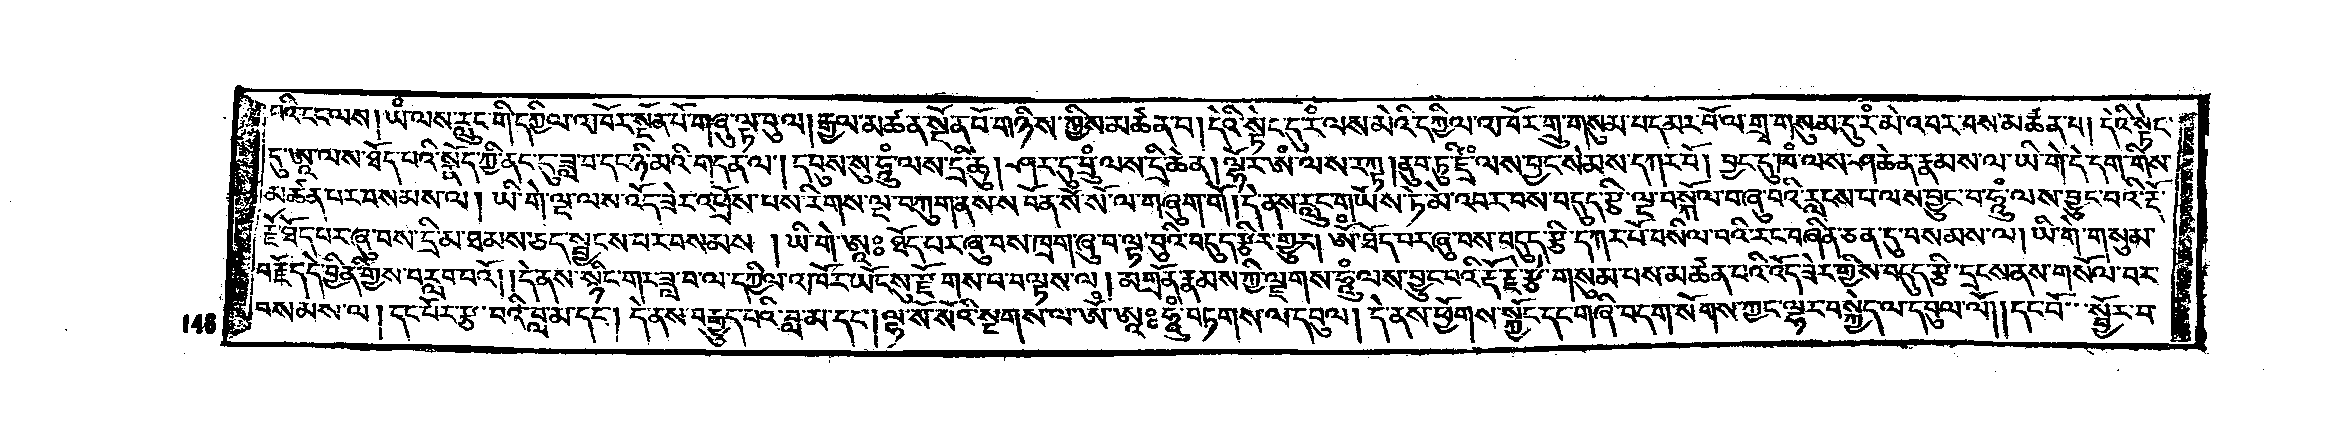པའི་ངང་ལས། ཡཾ་ལས་རླུང་གི་དཀྱིལ་འཁོར་སྔོན་པོ་གཞུ་ལྟ་བུ་ལ། རྒྱལ་མཚན་སྔོན་པོ་གཉིས་ཀྱིས་མཚན་པ། དེའི་སྟེང་དུ་རཾ་ལས་མེའི་དཀྱིལ་འཁོར་གྲུ་གསུམ་པ་དམར་པོ་ལ་གྲྭ་གསུམ་དུ་རཾ་མེ་འབར་བས་མཚན་པ། དེའི་སྟེང་
དུ་ཨཱ་ལས་ཐོད་པའི་སྣོད་ཀྱི་ནང་དུ་ཟླ་བ་དང་ཉི་མའི་གདན་ལ། དབུས་སུ་ཧཱུཾ་ལས་དྲི་ཆུ། ཤར་དུ་བྲུཾ་ལས་དྲི་ཆེན། ལྷོར་ཨཾ་ལས་རཀྟ། ནུབ་ཏུ་ཛྲིཾ་ལས་བྱང་སེམས་དཀར་པོ། བྱང་དུ་ཁཾ་ལས་ཤ་ཆེན་རྣམས་ལ་ཡི་གེ་དེ་དག་གིས་
མཚན་པར་བསམས་ལ། ཡི་གེ་ལྔ་ལས་འོད་ཟེར་འཕྲོས་པས་རིགས་ལྔ་བཀུག་ནས་ས་བོན་སོ་སོ་ལ་གཞུག་གོ །དེ་ནས་རླུང་གཡོས་ཏེ་མེ་འབར་བས་བདུད་རྩི་ལྔ་བསྐོལ་བ་ཞུ་བའི་རླངས་པ་ལས་བྱུང་བ་ཧཱུཾ་ལས་བྱུང་བའི་རྡོ་
རྗེ་ཐོད་པར་ཞུ་བས་དྲི་མ་ཐམས་ཅད་སྦྱངས་པར་བསམས། ཡི་གེ་ཨཱཿ ཐོད་པར་ཞུ་བས་ཁྲག་ཞུ་བ་ལྟ་བུའི་བདུད་རྩིར་གྱུར། ཨོཾ་ཐོད་པར་ཞུ་བས་བདུད་རྩི་དཀར་པོ་བསིལ་བའི་རང་བཞིན་ཅན་དུ་བསམས་ལ། ཡི་གེ་གསུམ་
བརྗོད་དེ་བྱིན་གྱིས་བརླབ་པའོ། །དེ་ནས་སྙིང་གར་ཟླ་བ་ལ་དཀྱིལ་འཁོར་ཡོངས་སུ་རྫོགས་པ་བལྟས་ལ། མགྲོན་རྣམས་ཀྱི་ལྗགས་ཧཱུཾ་ལས་བྱུང་པའི་རྡོ་རྗེ་རྩེ་གསུམ་པས་མཚན་པའི་འོད་ཟེར་གྱིས་བདུད་རྩི་དྲངས་ནས་གསོལ་བར་
བསམས་ལ། དང་པོར་རྩ་བའི་བླ་མ་དང་། དེ་ནས་བརྒྱུད་པའི་བླ་མ་དང་། ལྷ་སོ་སོའི་སྔགས་ལ་ཨོཾ་ཨཱཿ ཧཱུཾ་བཏགས་ལ་དབུལ། དེ་ནས་ཕྱོགས་སྐྱོང་དང་གཞི་བདག་སོགས་ཀྱང་ལྷར་བསྐྱེད་ལ་དབུལ་ལོ། །དང་པོ་སྦྱོར་བ་